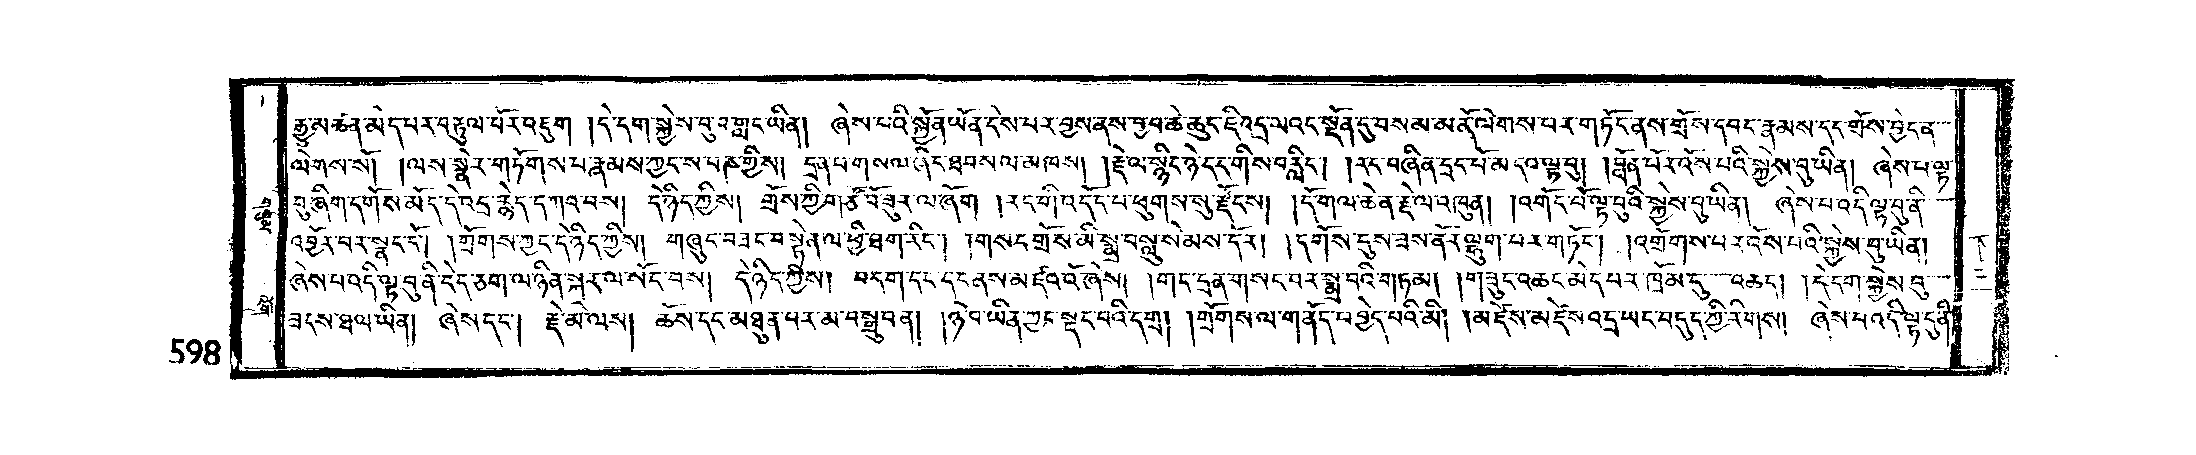རྒྱུ་མཚན་མེད་པར་བརྟུལ་པོར་འཇུག །དེ་དག་སྐྱེས་བུ་བ་གླང་ཡིན། ཞེས་པའི་སྐྱོན་ཡོན་ངེས་པར་བྱས་ནས་བྱ་བ་ཆེ་ཆུང་ཇི་འདྲ་ལའང་སྔོན་དུ་བསམ་མནོ་ལེགས་པར་གཏོང་ནས་གྲོས་དབང་རྣམས་དང་གྲོས་བྱེད་ན་
ལེགས་སོ། །ལས་སྣེར་གཏོགས་པ་རྣམས་ཀྱང་ས་པཎ་གྱིས། དྲན་པ་གསལ་ཞིང་ཐབས་ལ་མཁས། །རྗེ་ལ་སྙིང་ཉེ་དང་གིས་བརླིང་། །རང་བཞིན་དྲང་པོ་མདའ་ལྟ་བུ། །བློན་པོར་འོས་པའི་སྐྱེས་བུ་ཡིན། ཞེས་པ་ལྟ་
བུ་ཞིག་དགོས་མོད་དེ་འདྲ་རྙེད་དཀའ་བས། དེ་ཉིད་ཀྱིས། གྲོས་ཀྱི་གཙོ་བོ་ཟུར་ལ་ཞོག །རང་གི་འདོད་པ་ཕུགས་སུ་རྫོངས། །དོ་གལ་ཆེ་ན་རྗེ་ལ་འཁུན། །འགོང་པོ་ལྟ་བུའི་སྐྱེས་བུ་ཡིན། ཞེས་པ་འདི་ལྟ་བུ་ནི་
འབྱོར་བར་སྣང་ངོ། །གྲོགས་ཀྱང་དེ་ཉིད་ཀྱིས། གཞུང་བཟང་བསྟེན་ལ་ཕྱི་ཐག་རིང་། །གསང་གྲོས་མི་སྨྲ་བསླུ་སེམས་དོར། །དགོས་དུས་ཟས་ནོར་ལྷུག་པར་གཏོང་། །འགྲོགས་པར་འོས་པའི་སྐྱེས་བུ་ཡིན།
ཞེས་པ་འདི་ལྟ་བུ་ནི་ངེད་ཅག་ལ་ཉིན་སྐར་ལ་སོང་བས། དེ་ཉིད་ཀྱིས། བདག་དང་དང་ནས་མཛའ་འོ་ཞེས། །གང་དྲན་གསང་བར་སྨྲ་བའི་གཏམ། །གཟུང་འཆང་མེད་པར་ཁྲོམ་དུ་འཆད། །དེ་དག་སྐྱེས་བུ་
ཟངས་ཐལ་ཡིན། ཞེས་དང་། རྗེ་མེ་ལས། ཆོས་དང་མཐུན་པར་མ་བསྒྲུབ་ན། །ཉེ་བ་ཡིན་ཀྱང་སྡང་བའི་དགྲ། །གྲོགས་ལ་གནོད་པ་བྱེད་པའི་མི། །མཛེས་མཛེས་འདྲ་ཡང་བདུད་ཀྱི་རིགས། ཞེས་པ་འདི་ལྟ་དུ་ནི་